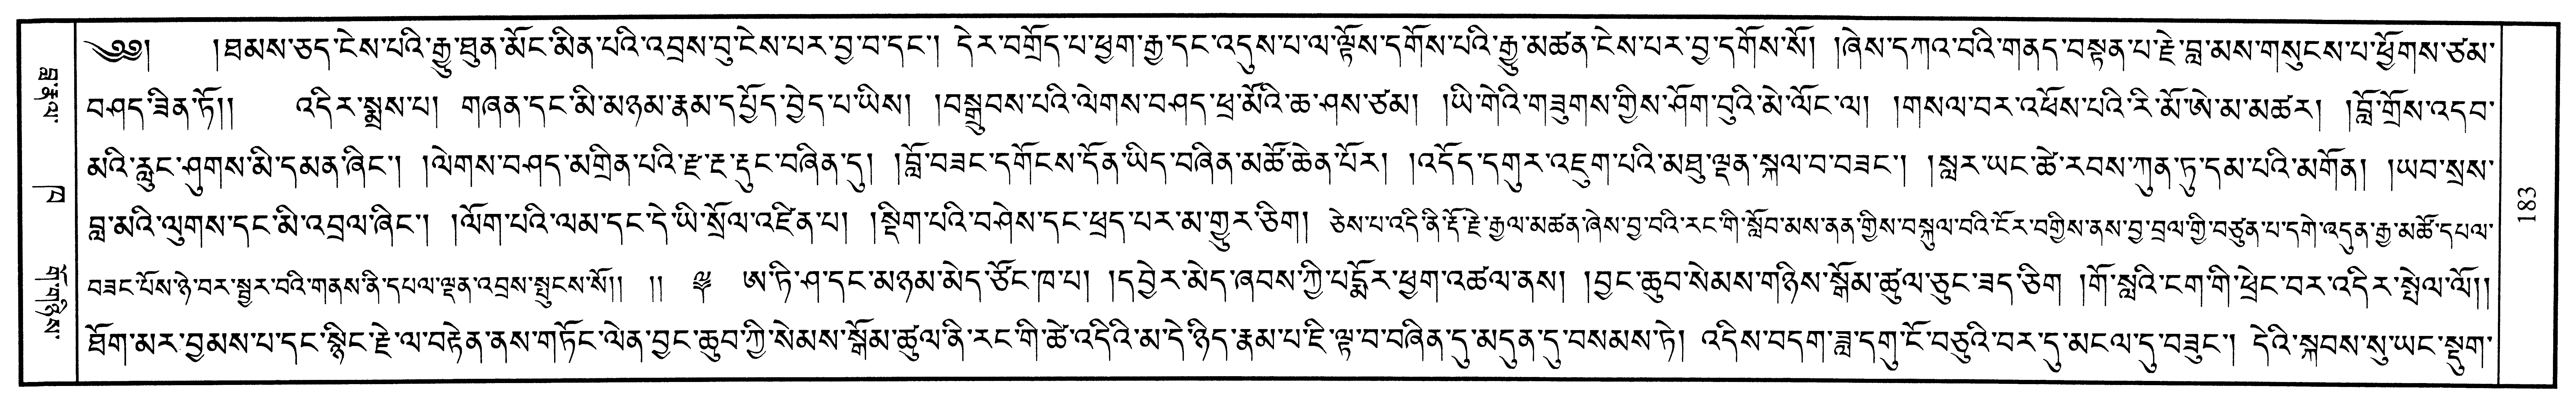༄༅། །ཐམས་ཅད་ངེས་པའི་རྒྱུ་ཐུན་མོང་མིན་པའི་འབྲས་བུ་ངེས་པར་བྱ་བ་དང་། དེར་བགྲོད་པ་ཕྱག་རྒྱ་དང་འདུས་པ་ལ་ལྟོས་དགོས་པའི་རྒྱུ་མཚན་ངེས་པར་བྱ་དགོས་སོ། །ཞེས་དཀའ་བའི་གནད་བསྟན་པ་རྗེ་བླ་མས་གསུངས་པ་ཕྱོགས་ཙམ་
བཤད་ཟིན་ཏོ།། འདིར་སྨྲས་པ། གཞན་དང་མི་མཉམ་རྣམ་དཔྱོད་བྱེད་པ་ཡིས། །བསྒྲུབས་པའི་ལེགས་བཤད་ཕྲ་མོའི་ཆ་ཤས་ཙམ། །ཡི་གེའི་གཟུགས་གྱིས་ཤོག་བུའི་མེ་ལོང་ལ། །གསལ་བར་འཕོས་པའི་རི་མོ་ཨེ་མ་མཚར། །བློ་གྲོས་འདབ་
མའི་རླུང་ཤུགས་མི་དམན་ཞིང་། །ལེགས་བཤད་མགྲིན་པའི་རྫ་རྔ་རྡུང་བཞིན་དུ། །བློ་བཟང་དགོངས་དོན་ཡིད་བཞིན་མཚོ་ཆེན་པོར། །འདོད་དགུར་འཇུག་པའི་མཐུ་ལྡན་སྐལ་བ་བཟང་། །སླར་ཡང་ཚེ་རབས་ཀུན་ཏུ་དམ་པའི་མགོན། །ཡབ་སྲས་
བླ་མའི་ལུགས་དང་མི་འབྲལ་ཞིང་། །ལོག་པའི་ལམ་དང་དེ་ཡི་སྲོལ་འཛིན་པ། །སྡིག་པའི་བཤེས་དང་ཕྲད་པར་མ་གྱུར་ཅིག །ཅེས་པ་འདི་ནི་རྡོ་རྗེ་རྒྱལ་མཚན་ཞེས་བྱ་བའི་རང་གི་སློབ་མས་ནན་གྱིས་བསྐུལ་བའི་ངོར་བགྱིས་ནས་བྱ་བྲལ་གྱི་བཙུན་པ་དགེ་འདུན་རྒྱ་མཚོ་དཔལ་
བཟང་པོས་ཉེ་བར་སྦྱར་བའི་གནས་ནི་དཔལ་ལྡན་འབྲས་སྤུངས་སོ།། །། ༈ ཨ་ཏི་ཤ་དང་མཉམ་མེད་ཙོང་ཁ་པ། །དབྱེར་མེད་ཞབས་ཀྱི་པདམོར་ཕྱག་འཚལ་ནས། །བྱང་ཆུབ་སེམས་གཉིས་སྒོམ་ཚུལ་ཅུང་ཟད་ཅིག །གོ་སླའི་ངག་གི་ཕྲེང་བར་འདིར་སྤེལ་ལོ།།
ཐོག་མར་བྱམས་པ་དང་སྙིང་རྗེ་ལ་བརྟེན་ནས་གཏོང་ལེན་བྱང་ཆུབ་ཀྱི་སེམས་སྒོམ་ཚུལ་ནི་རང་གི་ཚེ་འདིའི་མ་དེ་ཉིད་རྣམ་པ་ཇི་ལྟ་བ་བཞིན་དུ་མདུན་དུ་བསམས་ཏེ། འདིས་བདག་ཟླ་དགུ་ངོ་བཅུའི་བར་དུ་མངལ་དུ་བཟུང་། དེའི་སྐབས་སུ་ཡང་སྡུག་